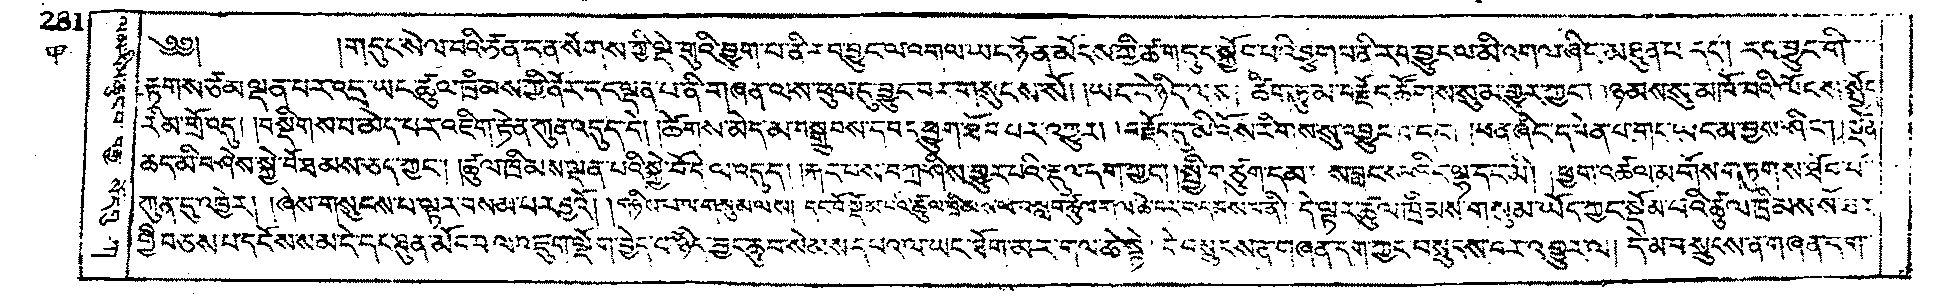༄༅། །གདུང་སེལ་བའི་ཙན་དན་སོགས་ཀྱི་ལྡེ་གུའི་བྱུག་པ་ནི་རབ་བྱུང་ལ་འགལ་ཡང་ཉོན་མོངས་ཀྱི་ཚ་གདུང་སྐྱོབ་པའི་བྱུག་པ་ནི་རབ་བྱུང་ལ་མི་འགལ་ཞིང་མཐུན་པ་དང་། རབ་བྱུང་གི་
རྟགས་ཙམ་ལྡན་པར་འདྲ་ཡང་ཚུལ་ཁྲིམས་ཀྱི་ནོར་དང་ལྡན་པ་ནི་གཞན་ལས་ཕུལ་དུ་བྱུང་བར་གསུངས་སོ། །ཡང་དེ་ཉིད་ལས། ཚིག་ཏུ་མ་བརྗོད་ཚོགས་སུ་མ་གྱུར་ཀྱང་། །ཉམས་སུ་མཁོ་བའི་ལོངས་སྤྱོད་
རིམ་གྲོ་འདུ། །བསྡིགས་པ་མེད་པར་འཇིག་རྟེན་ཀུན་འདུད་དེ། །ཚེགས་མེད་མ་བསྒྲུབས་དབང་ཕྱུག་ཐོབ་པར་འགྱུར། །བརྗོད་དུ་མི་འོས་རིགས་སུ་འབྱུང་བ་དང་། །ཕན་ཞིང་དཔེན་པ་གང་ཡང་མ་བྱས་ཤིང་། །སྔོན་
ཆད་མི་བཤེས་སྐྱེ་བོ་ཐམས་ཅད་ཀྱང་། །ཚུལ་ཁྲིམས་ལྡན་པའི་སྐྱེ་བོ་དེ་ལ་འདུད། །རྐང་པས་བཀྲ་ཤིས་གྱུར་པའི་རྡུལ་དག་ཀྱང་། །སྤྱི་གཙུག་དམ་པས་བླངས་ཤིང་ལྷ་དང་མི། །ཕྱག་འཚལ་མགོས་གཏུགས་ཐོབ་པ་
ཀུན་དུ་འཁྱེར། །ཞེས་གསུངས་པ་ལྟར་བསམ་པར་བྱའོ། །གཉིས་པ་ལ་གསུམ་ལས། དང་པོ་སྡོམ་པའི་ཚུལ་ཁྲིམས་ལ་བསླབ་ཚུལ་གལ་ཆེ་བར་གདམས་པ་ནི།  དེ་ལྟར་ཚུལ་ཁྲིམས་གསུམ་ཡོད་ཀྱང་སྡོམ་པའི་ཚུལ་ཁྲིམས་སོ་ཐར་
གྱི་བཅས་པ་དངོས་སམ་དེ་དང་ཐུན་མོང་བ་ལ་འཇུག་ལྡོག་བྱེད་པ་ཉིད་བྱང་ཆུབ་སེམས་དཔའ་ལ་ཡང་ཐོག་མར་གལ་ཆེ་སྟེ། དེ་བསྲུངས་ན་གཞན་དག་ཀྱང་བསྲུངས་བར་འགྱུར་ལ། དེ་མ་བསྲུངས་ན་གཞན་དག་